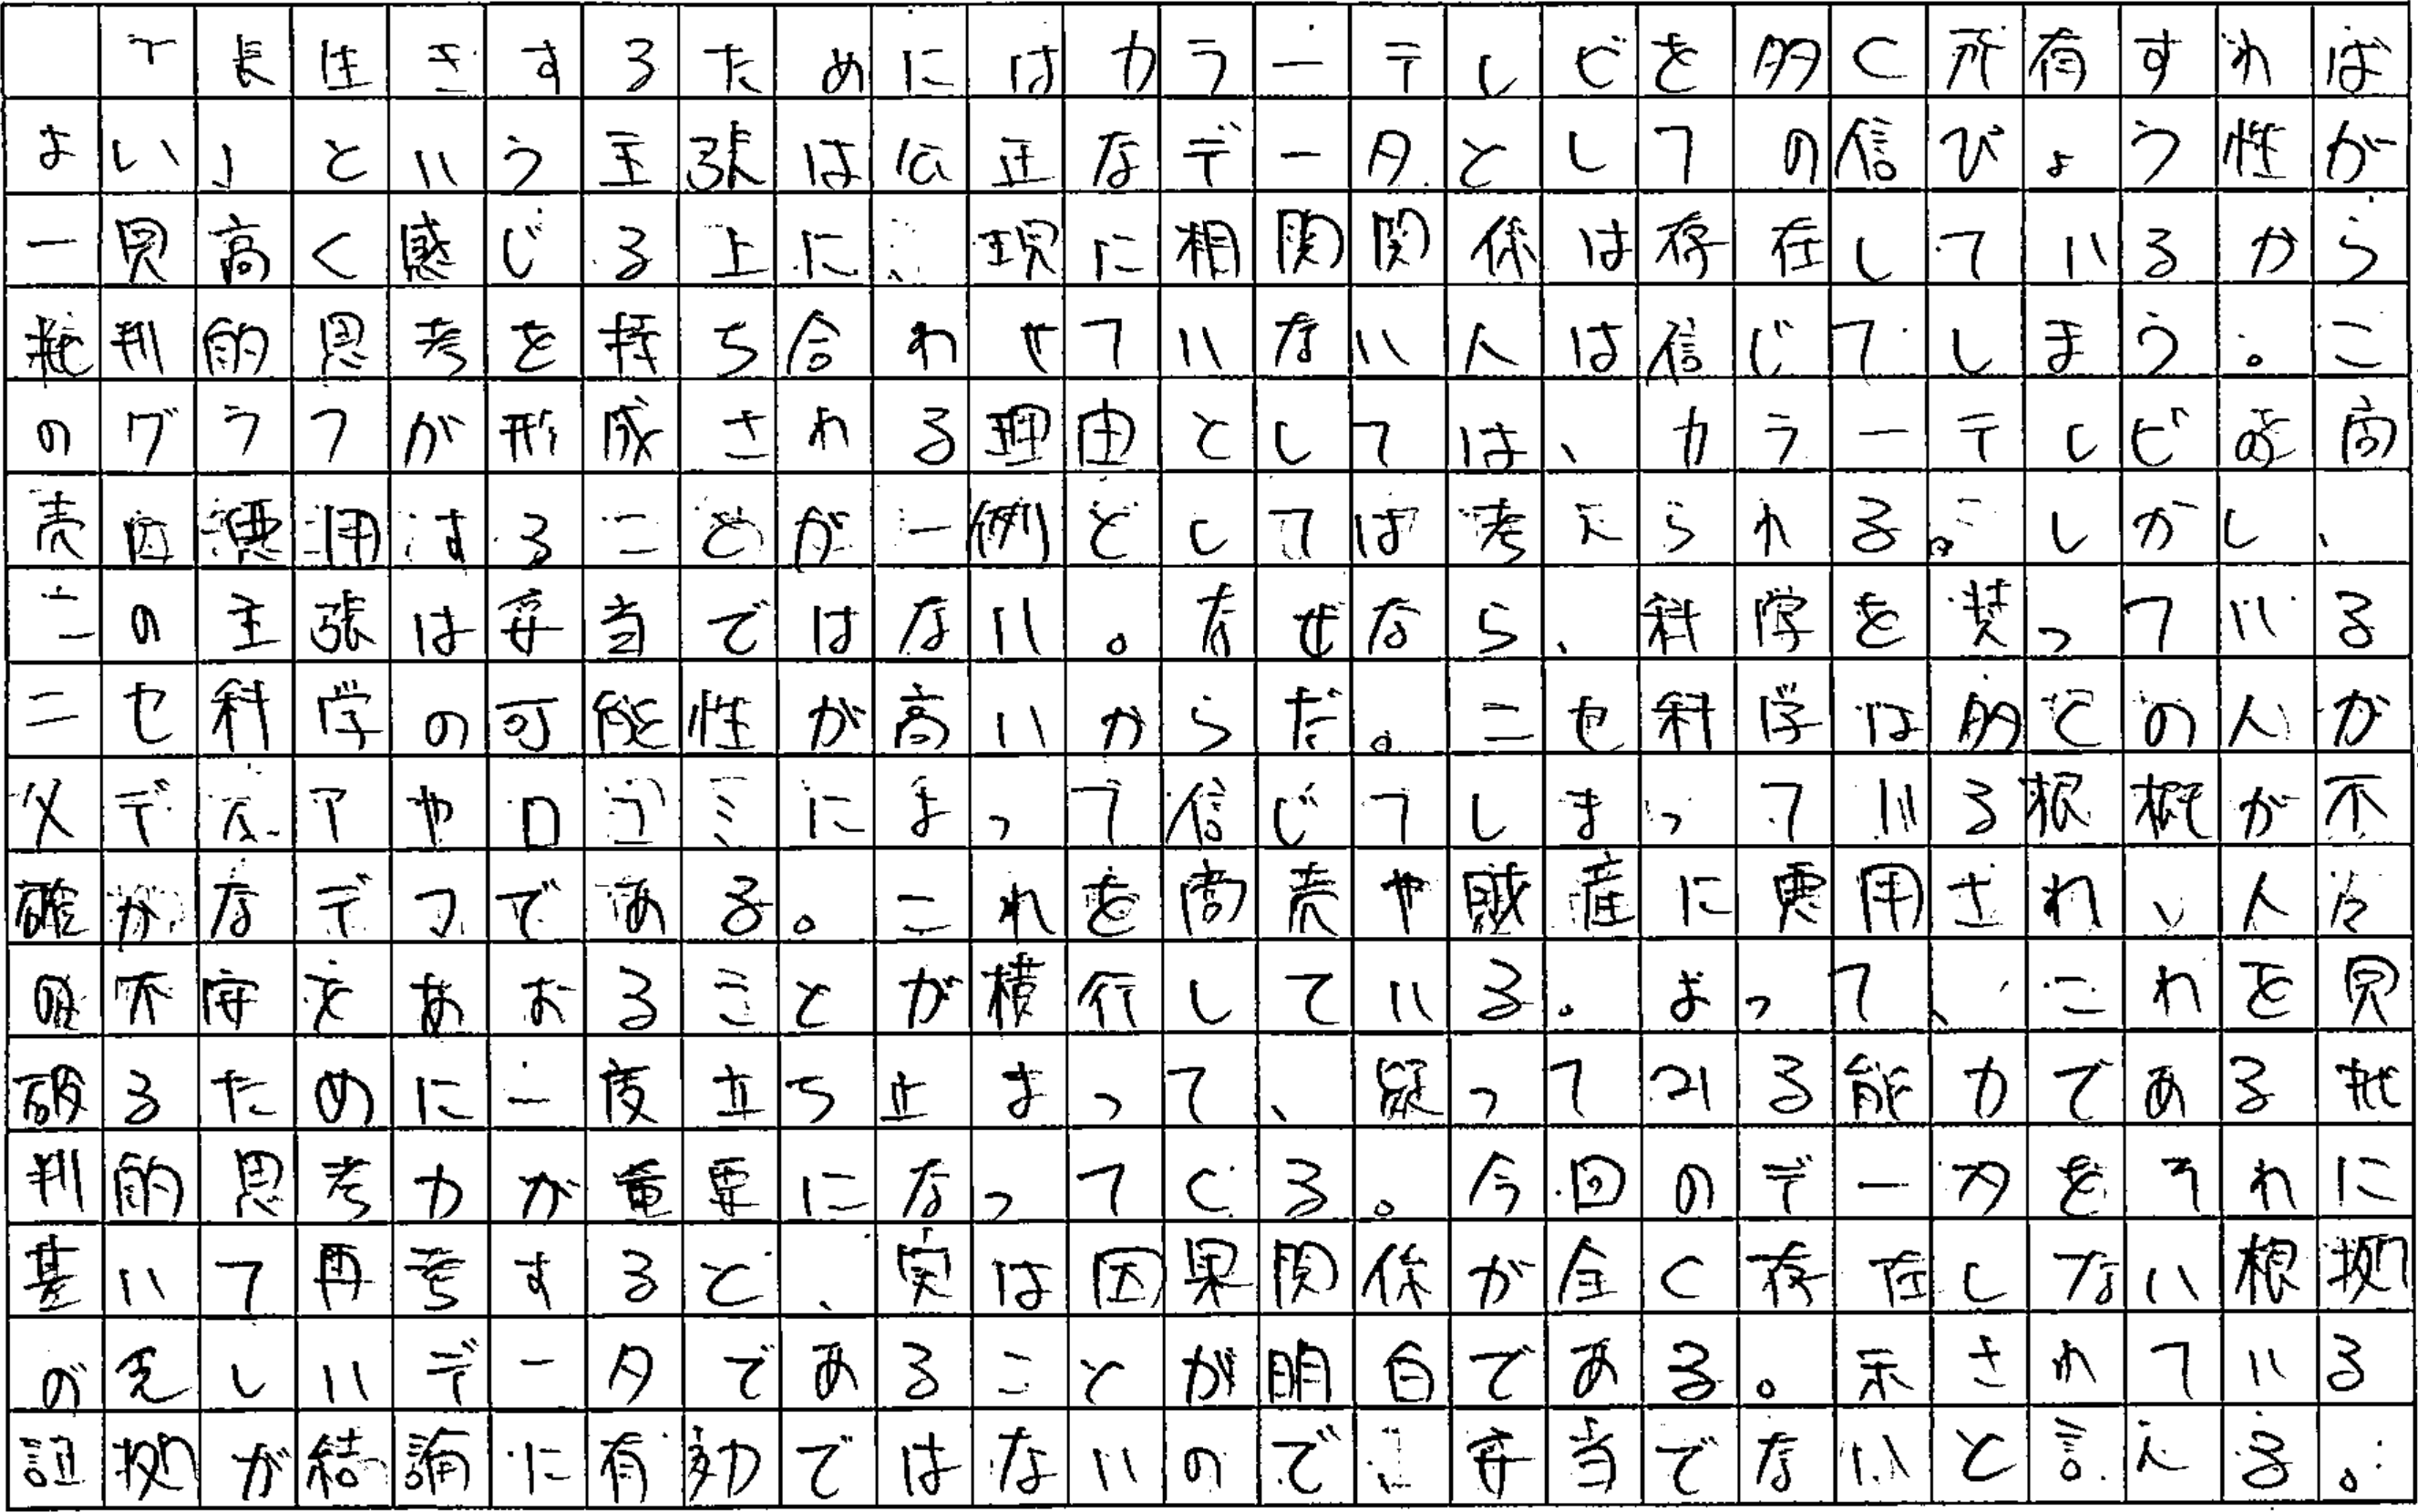　「長生きするためにはカラーテレビを多く所有すればよい」という主張は公正なデータとしての信ぴょう性が一見高く感じる上に、現に相関関係は存在しているから批判的思考を持ち合わせていない人は信じてしまう。このグラフが形成される理由としては、カラーテレビの▁売に悪用することが一例としては考えられる。しかし、この主張は妥当ではない。なぜなら、科学を装っているニセ科学の可能性が高いからだ。ニセ科学は多くの人がメディアや口コミによって信じてしまっている根▁が不確かなデマである。これを商売や財産に悪用され、人々の不安をあおることが横行している。よって、これを見破るために一度立ち止まって、疑ってみる能力である批判的思考力が重要になってくる。今回のデータをそれに基いて再考すると、実は因果関係が全く存在しない根拠の乏しいデータであることが明白である。示されている証拠が結▁に有効ではないので、妥当でないと言える。
